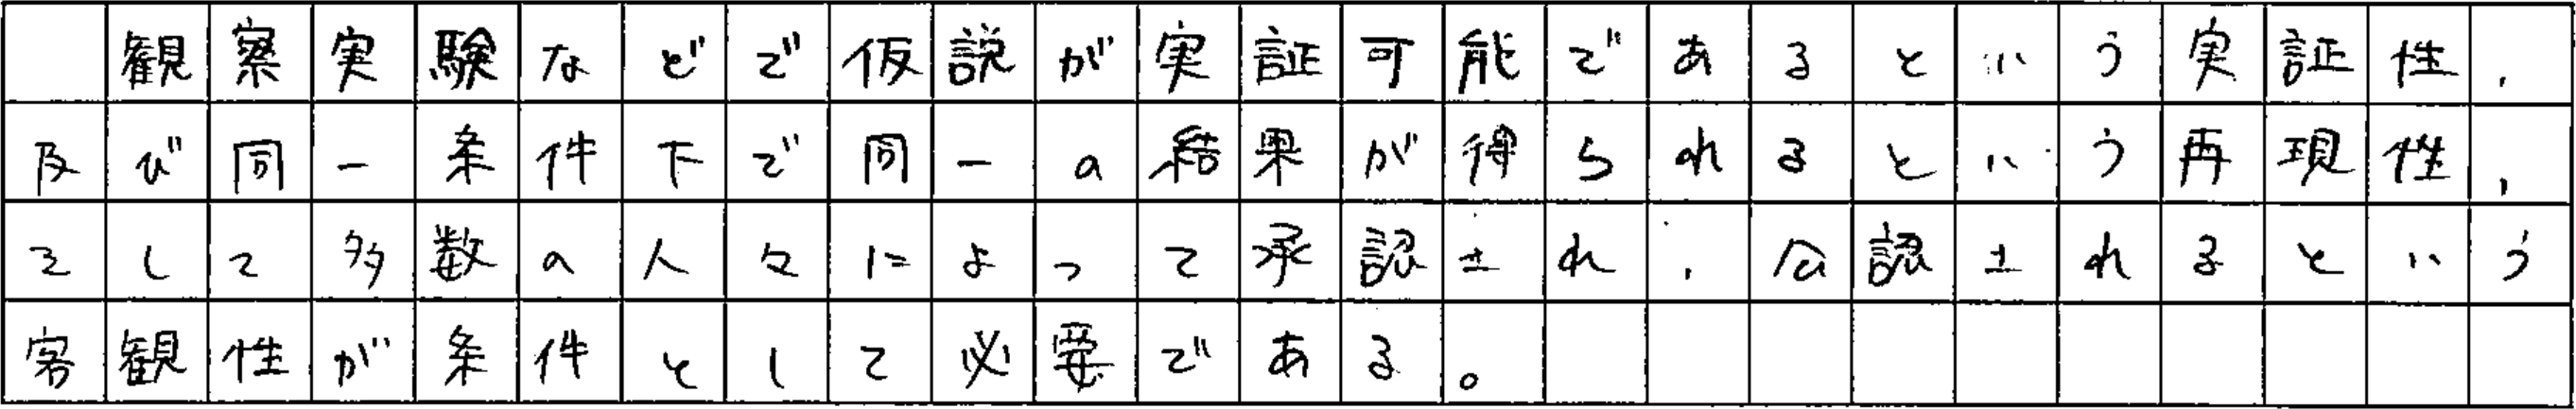　観察実験などで仮説が実証可能であるという実証性、及び同一条件下で同一の結果が得られるという再現性、そして多数の人々によって承認され、公認されるという客観性が条件として必要である。
